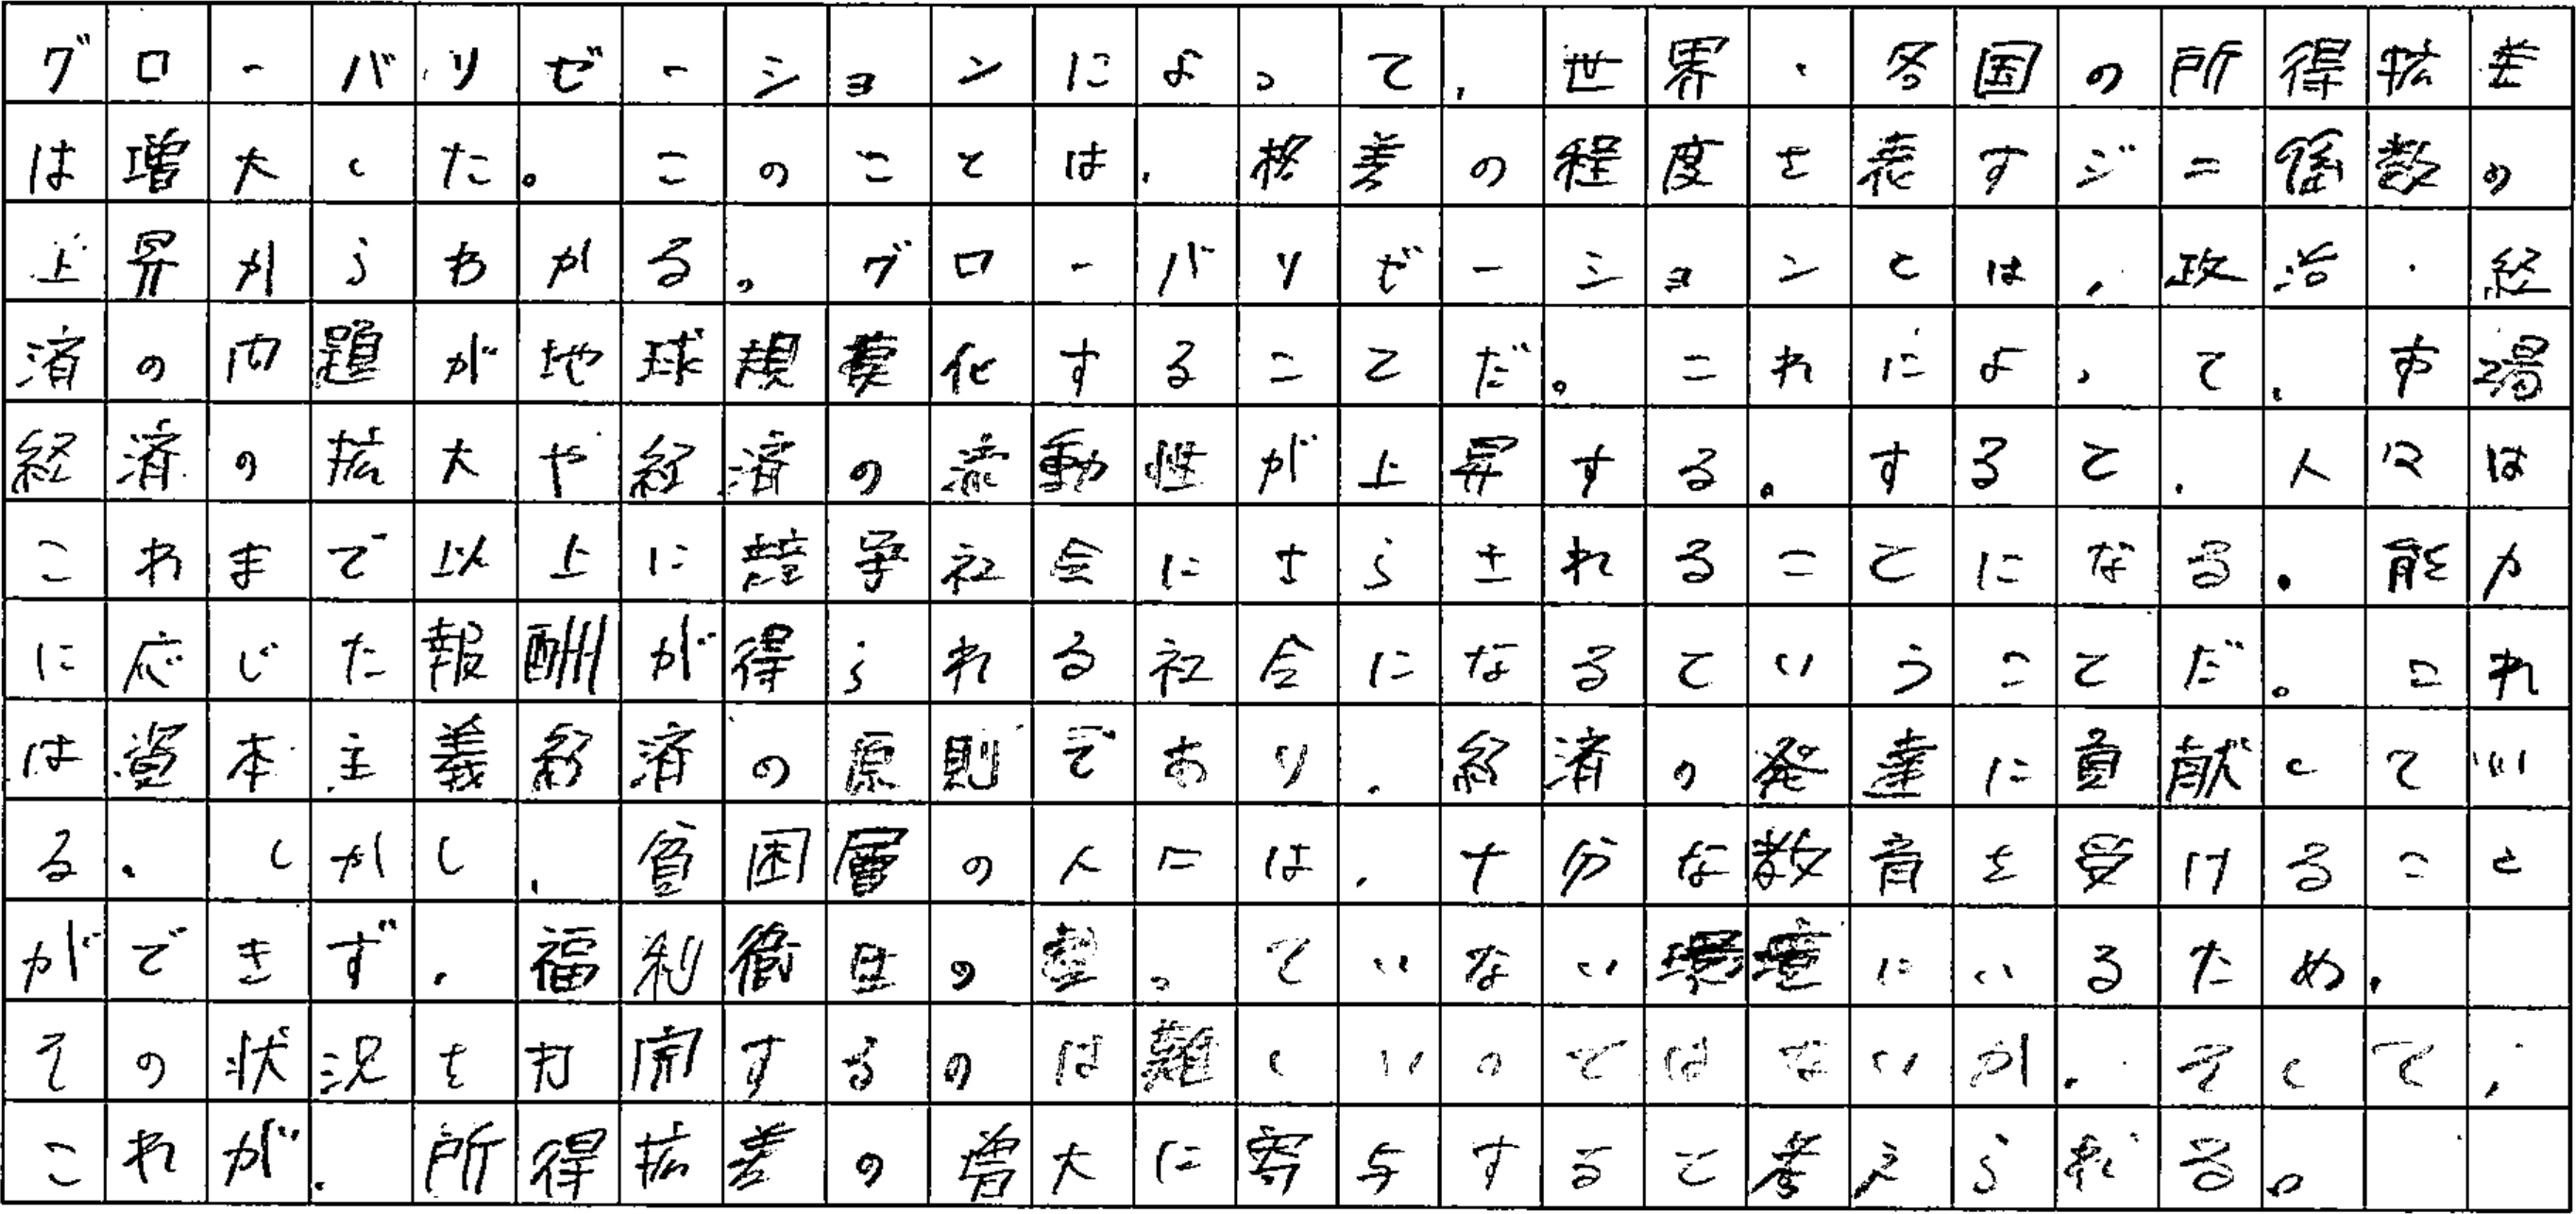グローバリゼーションによって、世界・各国の所得格差は増大した。このことは、格差の程度を表すジニ係数の上昇からわかる。グローバリゼーションとは、政治・経済の問題が地球規模化することだ。これによって、市場経済の拡大や経済の流動性が上昇する。すると、人々はこれまで以上に競争社会にさらされることになる。能力に応じた報酬が得られる社会になるということだ。これは資本主義▁済の原則であり、経済の発達に貢献している。しかし、貧困層の人々には、十分な教育を受けることができず、福利衛生の整っていない環境にいるため、　その状況を打開するのは難しいのではないか。そして、これが、所得格差の増大に寄与すると考えられる。
